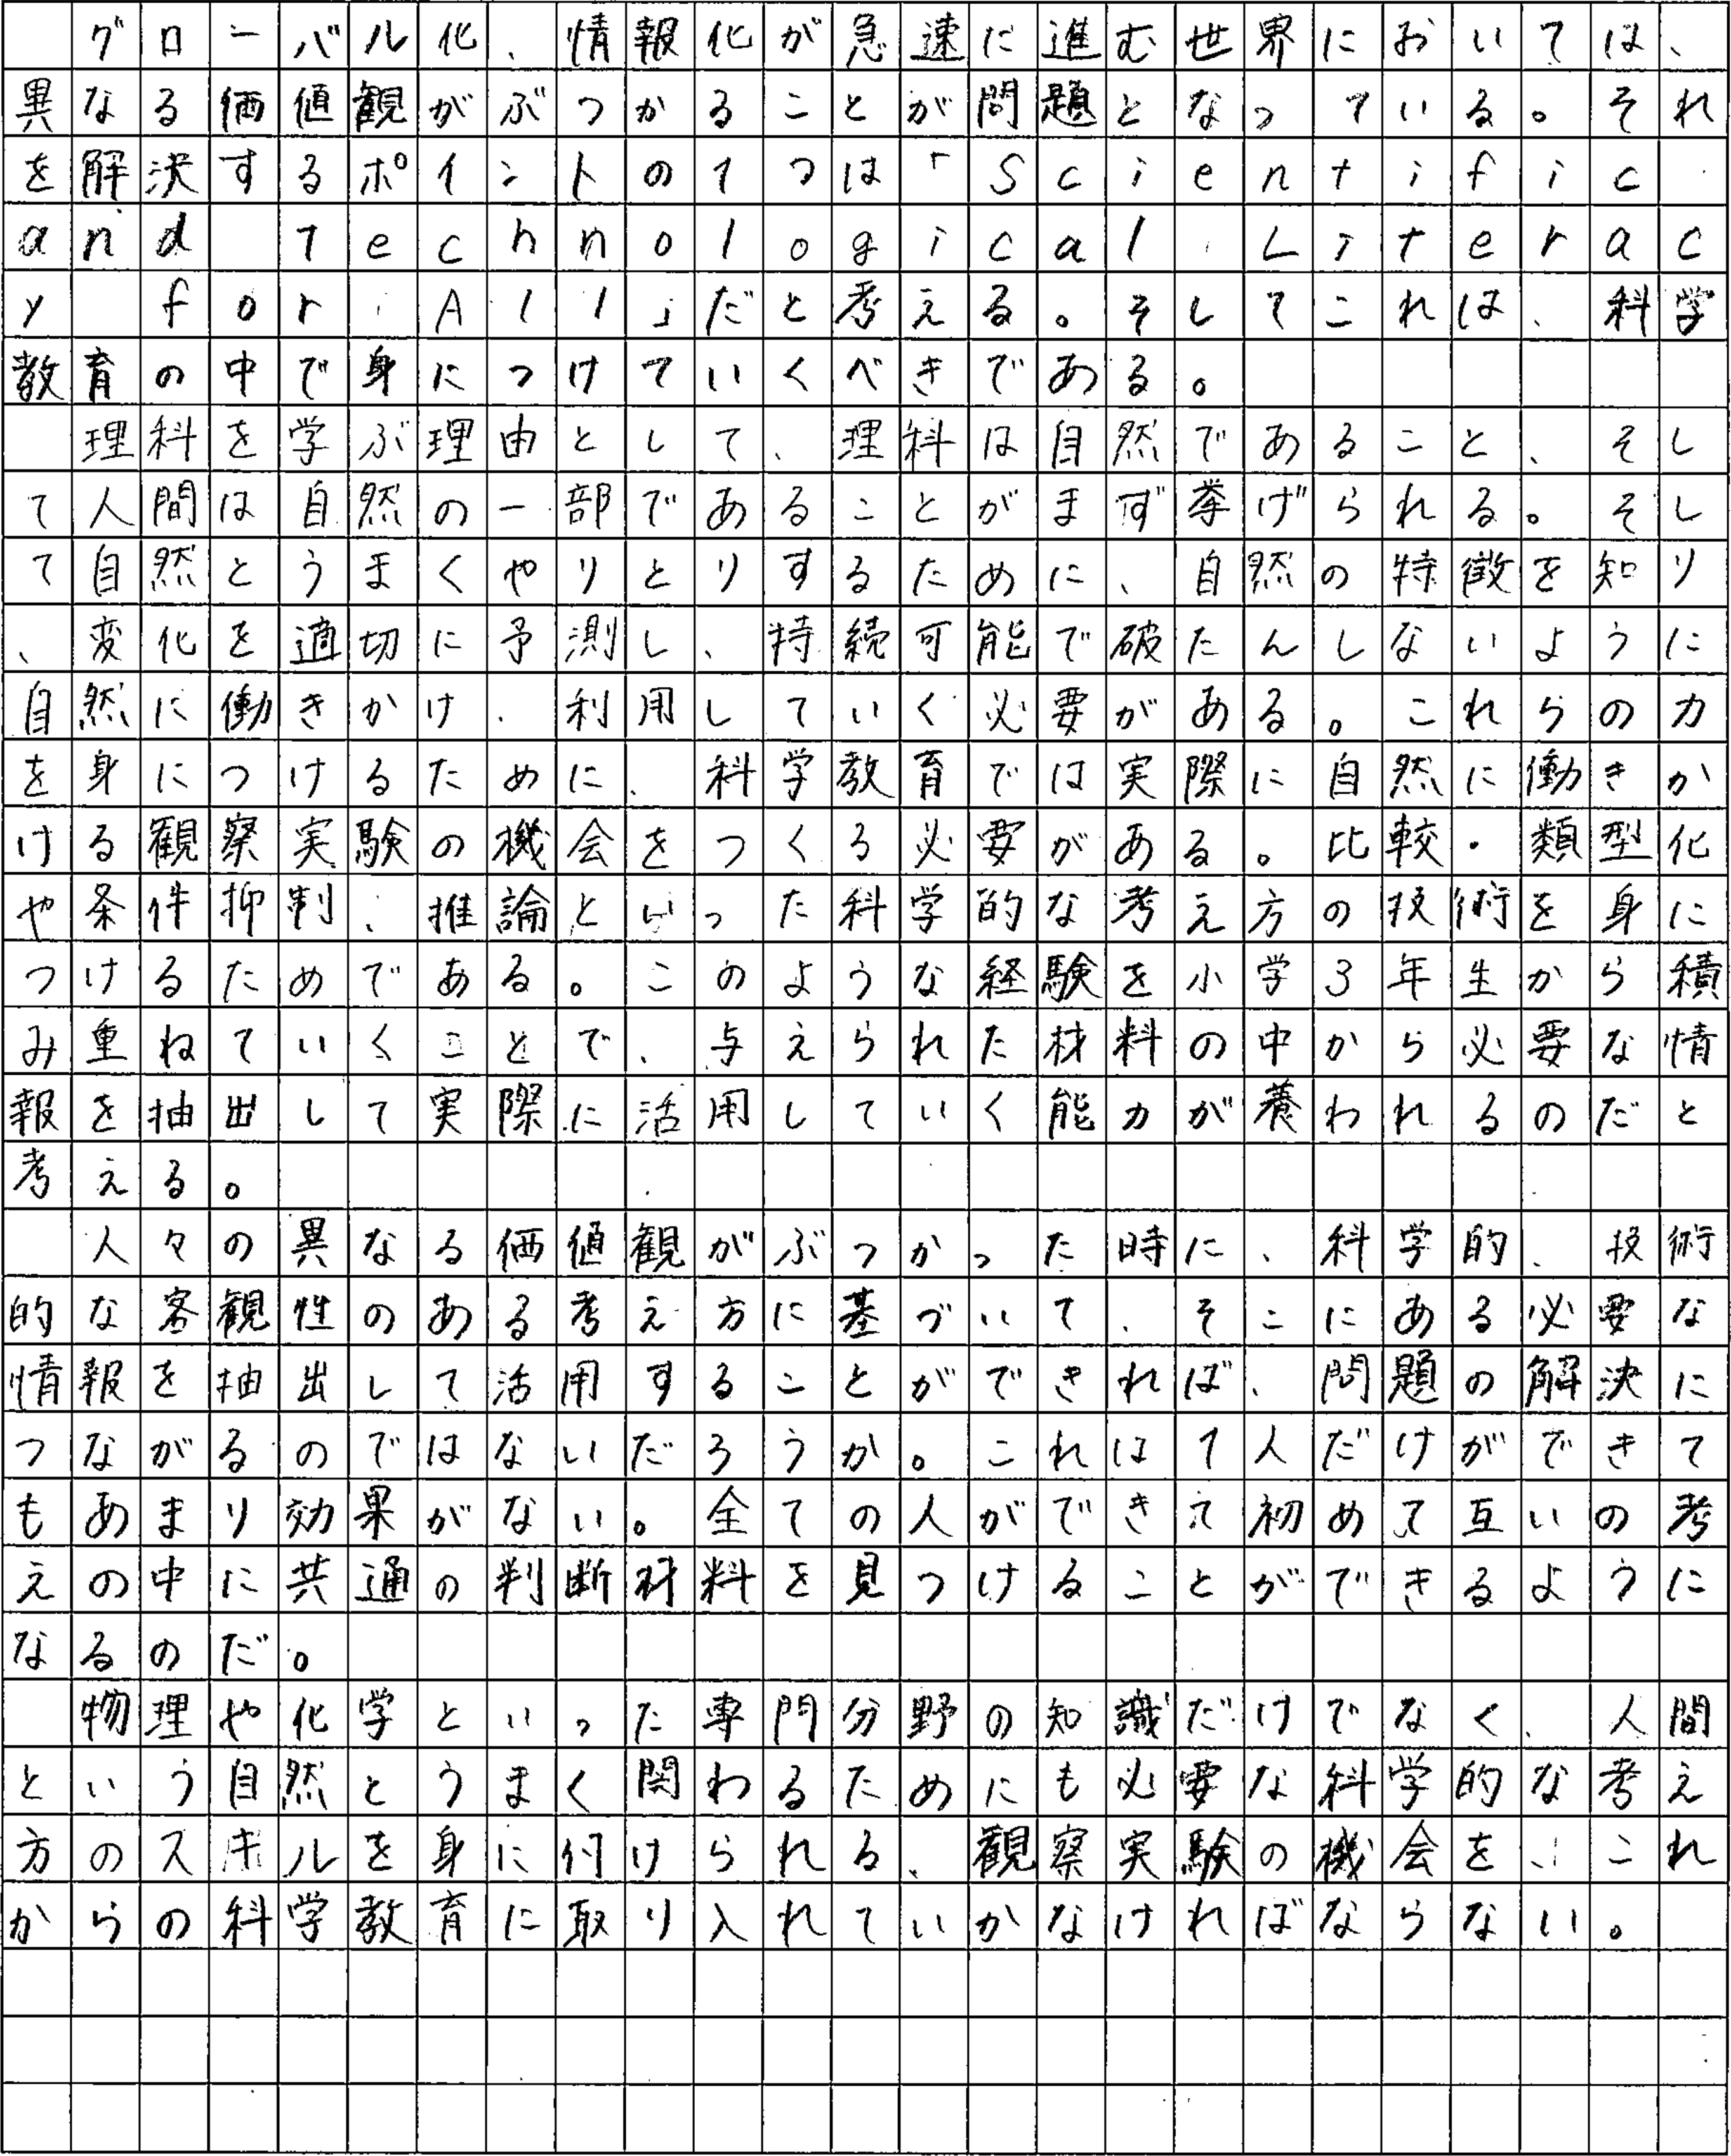　グローバル化、情報化が急速に進む世界においては、異なる価値観がぶつかることが問題となっている。それを解決するポイントの１つは「Ｓｃｉｅｎｔｉｆｉｃ　ａｎｄ　Ｔｅｃｈｎｏｌｏｇｉｃａｌ　Ｌｉｔｅｒａｃｙ　ｆｏｒ　Ａｌｌ」だと考える。そしてこれは、科学教育の中で身につけていくべきである。
　理科を学ぶ理由として、理科は自然であること、そして人間は自然の一部であることがまず挙げられる。そして自然とうまくやりとりするために、自然の特徴を知り、変化を適切に予測し、持続可能で破たんしないように自然に働きかけ、利用していく必要がある。これらの力を身につけるために、科学教育では実際に自然に働きかける観察実験の機会を作る必要がある。比較・類型化や条件抑制、推論といった科学的な考え方の技術を身につけるためである。このような経験を小学３年生から積み重ねていくことで、与えられた材料の中から必要な情報を抽出して実際に活用していく能力が養われるのだと考える。
　人々の異なる価値観がぶつかった時に、科学的、技術的な客観性のある考え方に基づいて、そこにある必要な情報を抽出して活用することができれば、問題の解決につながるのではないだろうか。これは１人だけができてもあまり効果がない。全ての人ができて初めて互いの考えの中に共通の判断材料を見つけることができるようになるのだ。
　物理や化学といった専門分野の知識だけでなく、人間という自然とうまく関わるためにも必要な科学的な考え方のスキルを身に付けられる、観察実験の機会を、これからの科学教育に取り入れていかなければならない。
